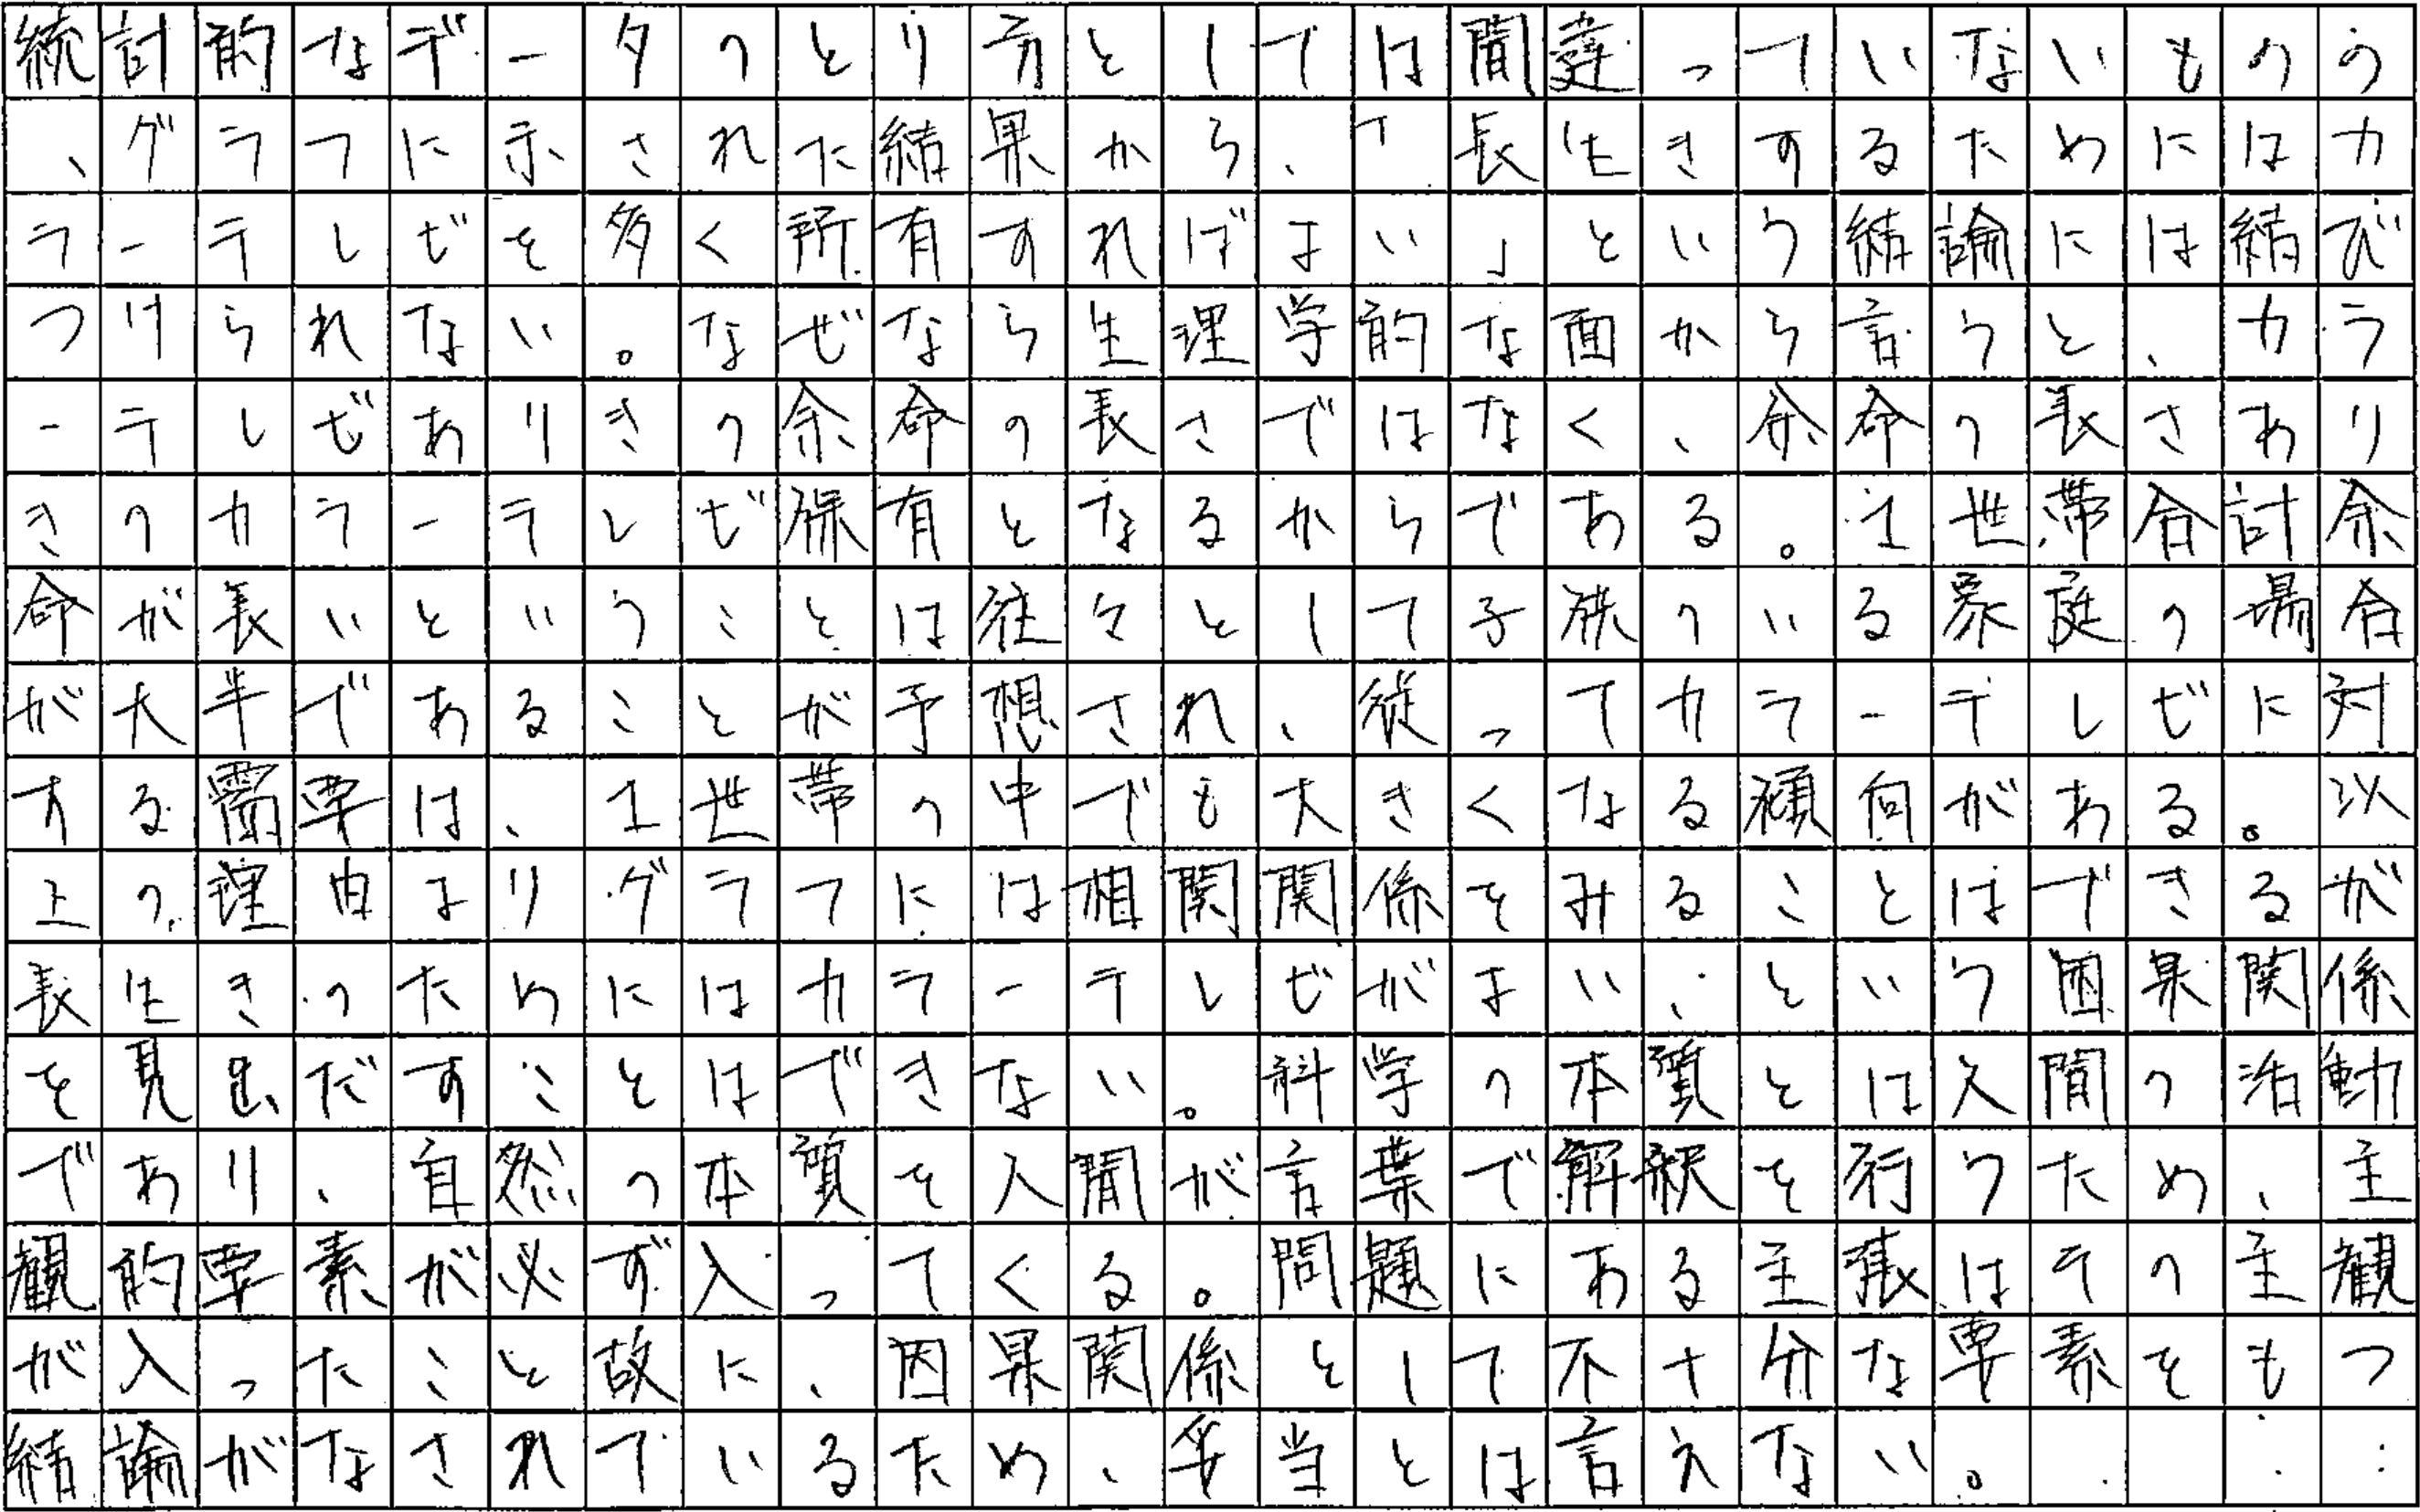統計的なデータのとり方としては間違っていないものの、グラフに示された結果から、▁長生きするためにはカラーテレビを多く所有すればよい」という結論には結びつけられない。なぜなら生理学的な面から言うと、カラーテレビありきの余命の長さではなく、余命の長さありきのカラーテレビ保有となるからである。１世帯合計余命が長いということは往々として子供のいる家庭の場合が大半であることが予想され、従ってカラーテレビに対する需要は、１世帯の中でも大きくなる傾向がある。以上の理由よりグラフには相関関係をみることはできるが長生きのためにはカラーテレビがよい、という因果関係を見出だすことはできない。科学の本質とは人間の活動であり、自然の本質を人間が言葉で解釈を行うため、主観的要素が必ず入ってくる。問題にある主張はその主観が入ったこと故に、因果関係として不十分な要素をもつ結論がなされているため、妥当とは言えない。
